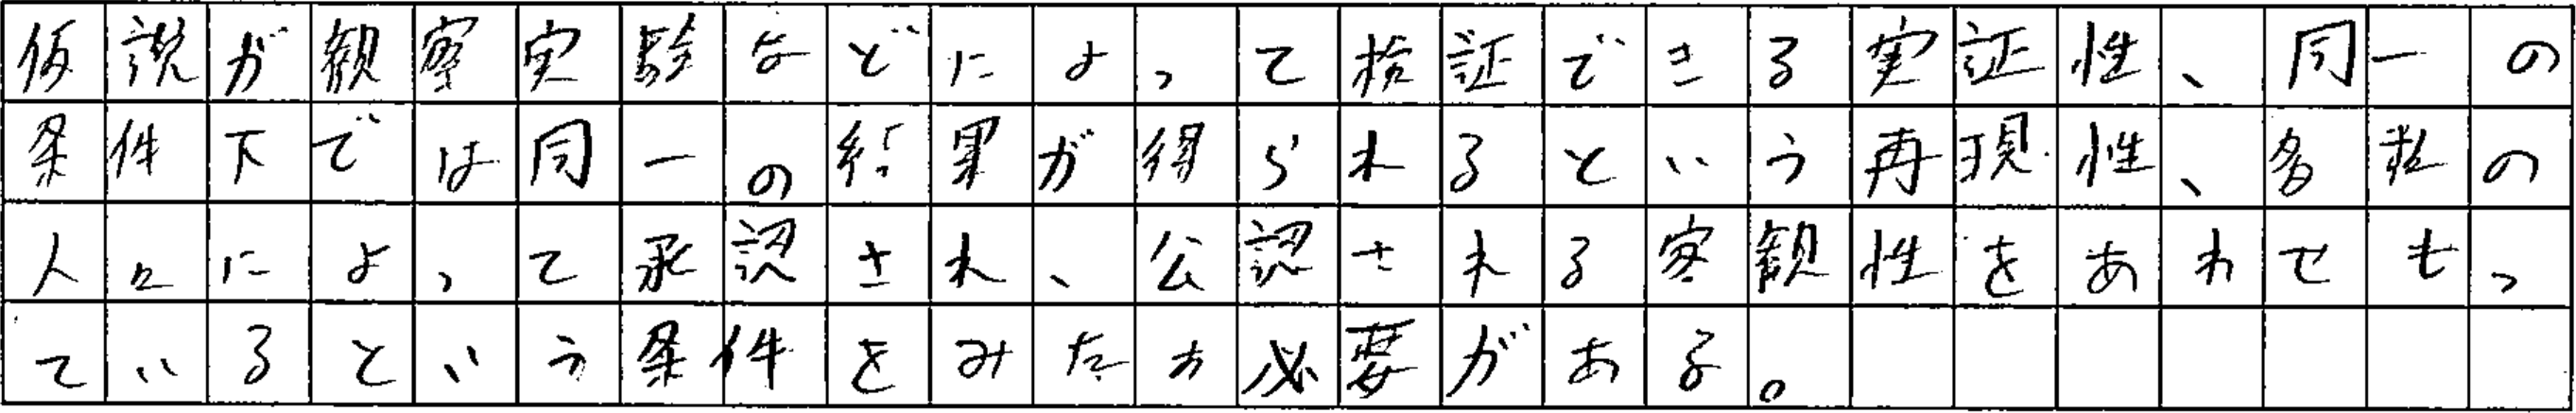仮説が観察実験などによって検証できる実証性、同一の条件下では同一の結果が得られるという再現性、多数の人々によって承認され、公認される客観性をあわせもっているという条件をみたす必要がある。
